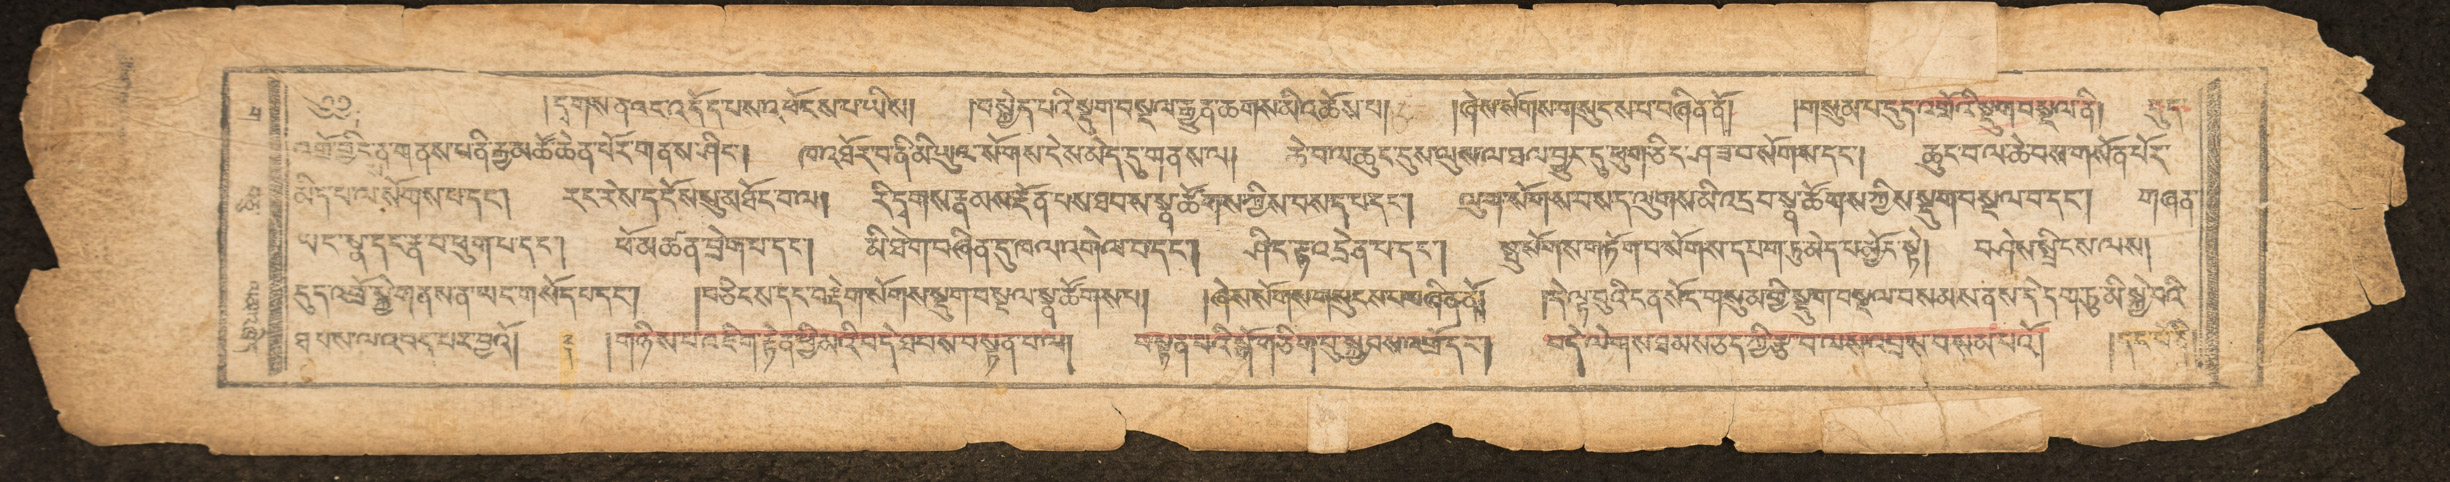༄༅། །དྭགས་ནའང་འདོད་པས་འཕོངས་པ་ཡིས། །བསྐྱེད་པའི་སྡུག་བསྔལ་རྒྱུན་ཆགས་མི་འཆོས་པ། །ཞེས་སོགས་གསུངས་པ་བཞིན་ནོ། །གསུམ་པ་དུད་འགྲོའི་སྡུག་བསྔལ་ནི། དུད་
འགྲོ་བྱིངས་ན་གནས་པ་ནི་རྒྱ་མཚོ་ཆེན་པོར་གནས་ཤིང་། ཁ་འཐོར་བ་ནི་མི་ཡུལ་སོགས་ངེས་མེད་དུ་གནས་ལ། ཆེ་བ་ལ་ཆུང་དུས་ལུས་ལ་ཐལ་བྱུང་དུ་ཕུག་ཅིང་ཤ་ཟ་བ་སོགས་དང་། ཆུང་བ་ལ་ཆེ་བས་གསོན་པོར་
མིད་པ་ལ་སོགས་པ་དང་། རང་རེས་དངོས་སུ་མཐོང་བ་ལ། རི་དྭགས་རྣམས་རྔོན་པས་ཐབས་སྣ་ཚོགས་ཀྱིས་བསང་པ་དང་། ལུག་སོགས་བསད་ལུགས་མི་འདྲ་བ་སྣ་ཚོགས་ཀྱིས་སྡུག་བསྔལ་བ་དང་། གཞན་
ཡང་སྣ་དང་རྣ་བ་ཕུག་པ་དང་། ཕོ་མཚན་བྲེག་པ་དང་། མི་ཐེག་བཞིན་དུ་ཁལ་འགེལ་བ་དང་། ཤིང་རྟ་འདྲེན་པ་དང་། སྤུ་སོགས་གཏོག་པ་སོགས་དཔག་ཏུ་མེད་པ་མྱོང་སྟེ། བཤེས་སྤྲིངས་ལས།
དུད་འགྲོ་སྐྱེ་གནས་ན་ཡང་གསོད་པ་དང་། །བཅིངས་དང་བརྡེག་སོགས་སྡུག་བསྔལ་སྣ་ཚོགས་པ། །ཞེས་སོགས་གསུངས་པ་བཞིན་ནོ། །དེ་ལྟ་བུའི་ངན་སོང་གསུམ་གྱི་སྡུག་བསྔལ་བསམས་ནས་དེ་དག་ཏུ་མི་སྐྱེ་བའི་
ཐབས་ལ་འབད་པར་བྱའོ། ༈ །གཉིས་པ་འཇིག་རྟེན་ཕྱི་མའི་བདེ་ཐབས་བསྟན་པ་ལ། བསྟན་པའི་སྒོ་གཅིག་པུ་སྐྱབས་འགྲོ་དང་། བདེ་ལེགས་ཐམས་ཅད་ཀྱི་རྩ་བ་ལས་འབྲས་བསམ་པའོ། །དང་པོ་ནི།